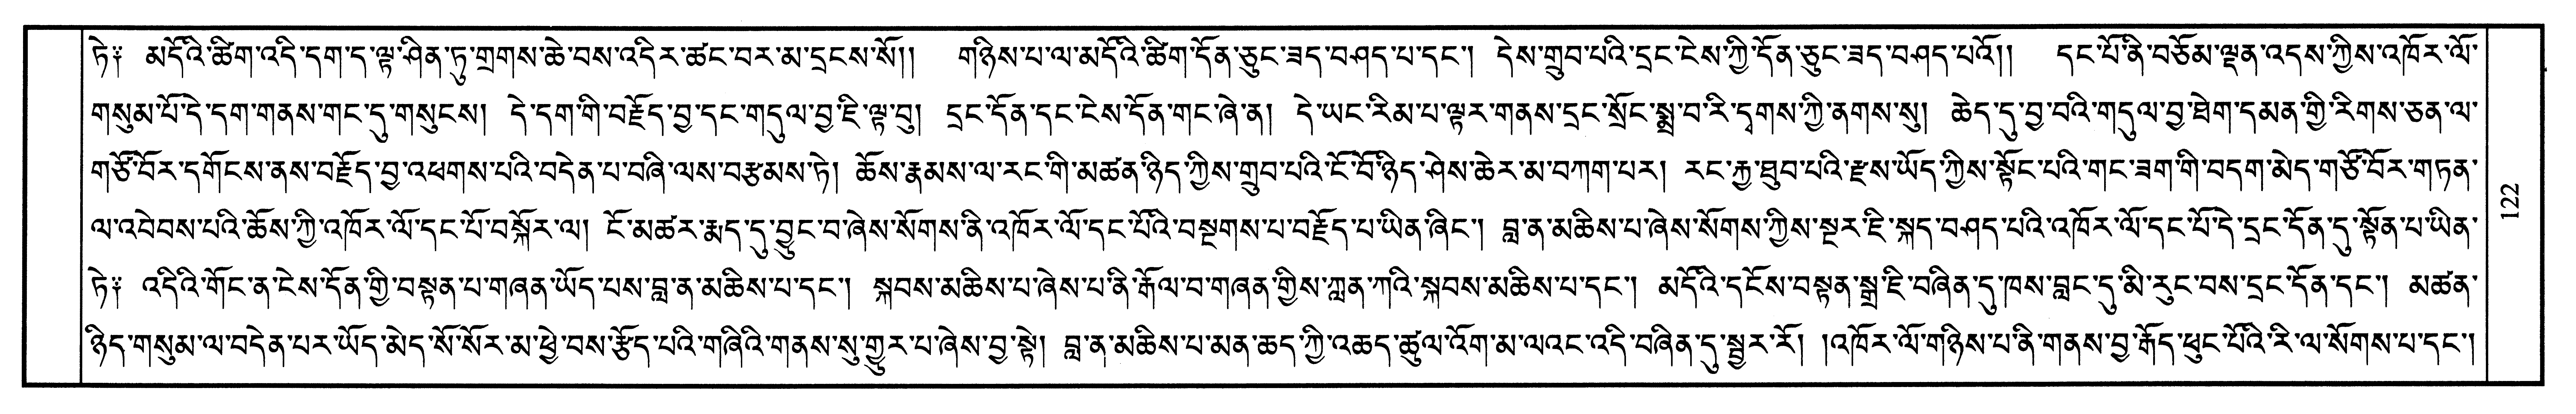ཏེ༑ མདོའི་ཚིག་འདི་དག་ད་ལྟ་ཤིན་ཏུ་གྲགས་ཆེ་བས་འདིར་ཚང་བར་མ་དྲངས་སོ།། གཉིས་པ་ལ་མདོའི་ཚིག་དོན་ཅུང་ཟད་བཤད་པ་དང་། དེས་གྲུབ་པའི་དྲང་ངེས་ཀྱི་དོན་ཅུང་ཟད་བཤད་པའོ།། དང་པོ་ནི་བཅོམ་ལྡན་འདས་ཀྱིས་འཁོར་ལོ་
གསུམ་པོ་དེ་དག་གནས་གང་དུ་གསུངས། དེ་དག་གི་བརྗོད་བྱ་དང་གདུལ་བྱ་ཇི་ལྟ་བུ། དྲང་དོན་དང་ངེས་དོན་གང་ཞེ་ན། དེ་ཡང་རིམ་པ་ལྟར་གནས་དྲང་སྲོང་སྨྲ་བ་རི་དྭགས་ཀྱི་ནགས་སུ། ཆེད་དུ་བྱ་བའི་གདུལ་བྱ་ཐེག་དམན་གྱི་རིགས་ཅན་ལ་
གཙོ་བོར་དགོངས་ནས་བརྗོད་བྱ་འཕགས་པའི་བདེན་པ་བཞི་ལས་བརྩམས་ཏེ། ཆོས་རྣམས་ལ་རང་གི་མཚན་ཉིད་ཀྱིས་གྲུབ་པའི་ངོ་བོ་ཉིད་ཤེས་ཆེར་མ་བཀག་པར། རང་རྐྱ་ཐུབ་པའི་རྫས་ཡོད་ཀྱིས་སྟོང་པའི་གང་ཟག་གི་བདག་མེད་གཙོ་བོར་གཏན་
ལ་འབེབས་པའི་ཆོས་ཀྱི་འཁོར་ལོ་དང་པོ་བསྐོར་ལ། ངོ་མཚར་རྨད་དུ་བྱུང་བ་ཞེས་སོགས་ནི་འཁོར་ལོ་དང་པོའི་བསྔགས་པ་བརྗོད་པ་ཡིན་ཞིང་། བླ་ན་མཆིས་པ་ཞེས་སོགས་ཀྱིས་སྔར་ཇི་སྐད་བཤད་པའི་འཁོར་ལོ་དང་པོ་དེ་དྲང་དོན་དུ་སྟོན་པ་ཡིན་
ཏེ༑ འདིའི་གོང་ན་ངེས་དོན་གྱི་བསྟན་པ་གཞན་ཡོད་པས་བླ་ན་མཆིས་པ་དང་། སྐབས་མཆིས་པ་ཞེས་པ་ནི་རྒོལ་བ་གཞན་གྱིས་ཀླན་ཀའི་སྐབས་མཆིས་པ་དང་། མདོའི་དངོས་བསྟན་སྒྲ་ཇི་བཞིན་དུ་ཁས་བླང་དུ་མི་རུང་བས་དྲང་དོན་དང་། མཚན་
ཉིད་གསུམ་ལ་བདེན་པར་ཡོད་མེད་སོ་སོར་མ་ཕྱེ་བས་རྩོད་པའི་གཞིའི་གནས་སུ་གྱུར་པ་ཞེས་བྱ་སྟེ། བླ་ན་མཆིས་པ་མན་ཆད་ཀྱི་འཆད་ཚུལ་འོག་མ་ལའང་འདི་བཞིན་དུ་སྦྱར་རོ། །འཁོར་ལོ་གཉིས་པ་ནི་གནས་བྱ་རྒོད་ཕུང་པོའི་རི་ལ་སོགས་པ་དང་།